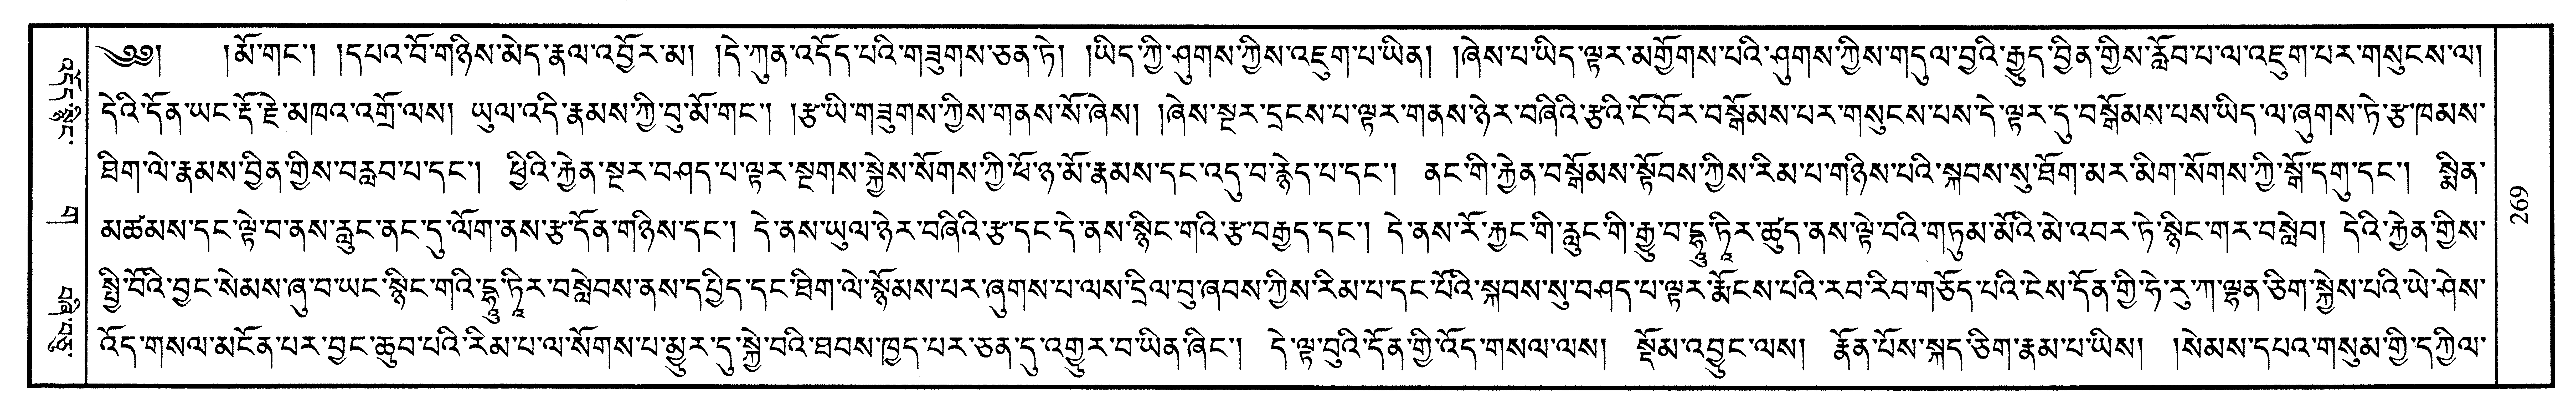༄༅། །མོ་གང་། །དཔའ་བོ་གཉིས་མེད་རྣལ་འབྱོར་མ། །དེ་ཀུན་འདོད་པའི་གཟུགས་ཅན་ཏེ། །ཡིད་ཀྱི་ཤུགས་ཀྱིས་འཇུག་པ་ཡིན། །ཞེས་པ་ཡིད་ལྟར་མགྱོགས་པའི་ཤུགས་ཀྱིས་གདུལ་བྱའི་རྒྱུད་བྱིན་གྱིས་རློབ་པ་ལ་འཇུག་པར་གསུངས་ལ།
དེའི་དོན་ཡང་རྡོ་རྗེ་མཁའ་འགྲོ་ལས། ཡུལ་འདི་རྣམས་ཀྱི་བུ་མོ་གང་། །རྩ་ཡི་གཟུགས་ཀྱིས་གནས་སོ་ཞེས། །ཞེས་སྔར་དྲངས་པ་ལྟར་གནས་ཉེར་བཞིའི་རྩའི་ངོ་བོར་བསྒོམས་པས་གསུངས་པས་དེ་ལྟར་དུ་བསྒོམས་པས་ཡིད་ལ་ཞུགས་ཏེ་རྩ་ཁམས་
ཐིག་ལེ་རྣམས་བྱིན་གྱིས་བརླབ་པ་དང་། ཕྱིའི་རྐྱེན་སྔར་བཤད་པ་ལྟར་སྔགས་སྐྱེས་སོགས་ཀྱི་ཕ་ཉོ་མོ་རྣམས་དང་འདུ་བ་རྙེད་པ་དང་། ནང་གི་རྐྱེན་བསྒོམས་སྟོབས་ཀྱིས་རིམ་པ་གཉིས་པའི་སྐབས་སུ་ཐོག་མར་མིག་སོགས་ཀྱི་སྒོ་དགུ་དང་། སྨིན་
མཚམས་དང་ལྟེ་བ་ནས་རླུང་ནང་དུ་ལོག་ནས་རྩ་དོན་གཉིས་དང་། དེ་ནས་ཡུལ་ཉེར་བཞིའི་རྩ་དང་དེ་ནས་སྙིང་གའི་རྩ་བརྒྱད་དང་། དེ་ནས་རོ་རྐྱང་གི་རླུང་གི་རྒྱུ་བ་དྷཱུ་ཏཱིར་ཚུད་ནས་ལྟེ་བའི་གཏུམ་མོའི་མེ་འབར་ཏེ་སྙིང་གར་བསླེབ། དེའི་རྐྱེན་གྱིས་
སྤྱི་བོའི་བྱང་སེམས་ཞུ་བ་ཡང་སྙིང་གའི་དྷཱུ་ཏཱིར་བསླེབས་ནས་དཔྱིད་དང་ཐིག་ལེ་སྙོམས་པར་ཞུགས་པ་ལས་དྲིལ་བུ་ཞབས་ཀྱིས་རིམ་པ་དང་པོའི་སྐབས་སུ་བཤད་པ་ལྟར་རྨོངས་པའི་རབ་རིབ་གཅོད་པའི་ངེས་དོན་གྱི་ཧེ་རུ་ཀ་ལྷན་ཅིག་སྐྱེས་པའི་ཡེ་ཤེས་
འོད་གསལ་མངོན་པར་བྱང་ཆུབ་པའི་རིམ་པ་ལ་སོགས་པ་མྱུར་དུ་སྐྱེ་བའི་ཐབས་ཁྱད་པར་ཅན་དུ་འགྱུར་བ་ཡིན་ཞིང་། དེ་ལྟ་བུའི་དོན་གྱི་འོད་གསལ་ལས། སྡོམ་འབྱུང་ལས། རྣོན་པོས་སྐད་ཅིག་རྣམ་པ་ཡིས། །སེམས་དཔའ་གསུམ་གྱི་དཀྱིལ་